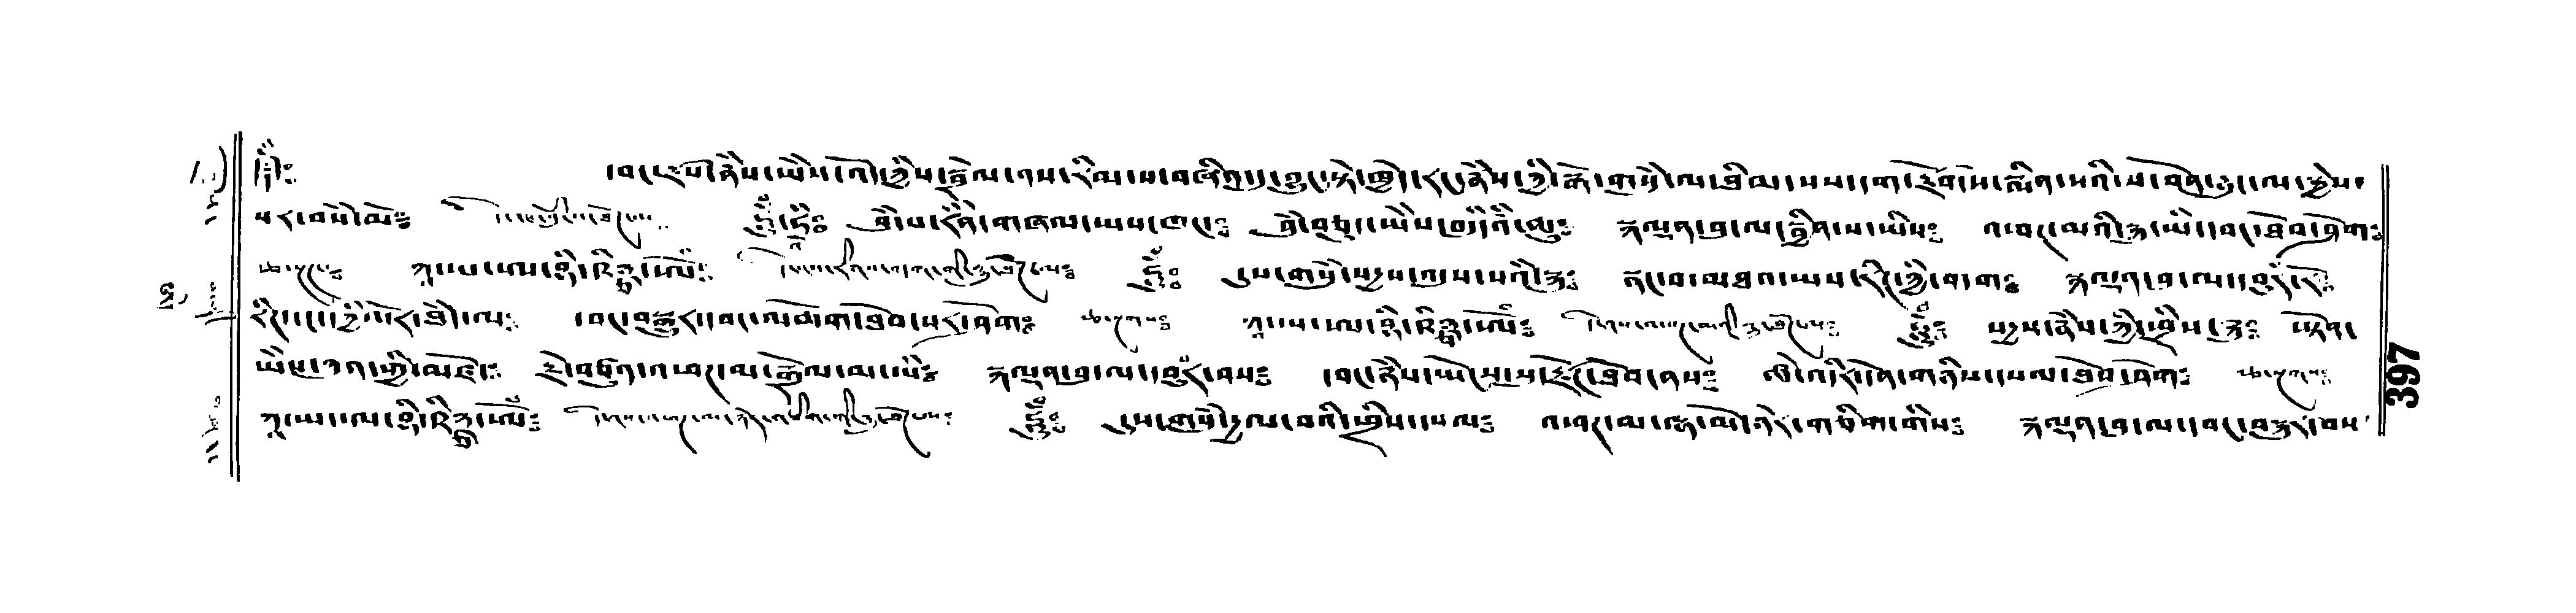དབང་རྫས་རྣམས་ཡེ་ཤེས་འོད་ཀྱིས་སྦྲེལ་ནས་རིམ་པ་བཞིན་དུ་བྱུང་སྟེ་ཁྱེད་རང་རྣམས་ཀྱི་སྒོ་གསུམ་ལ་ཐིམ་པས་དག་རྫོགས་སྨིན་པའི་ས་བོན་རྒྱུད་ལ་སྐྱེས་
པར་བསམ་མོ༔ དེ་ནས་བུམ་པ་ཐོགས་ལ༔ ཧཱུྃ་ཧྲཱིཿ བུམ་པ་རིན་ཆེན་གཞལ་ཡས་ཁང༔ བུམ་བཅུད་ཡེ་ཤེས་བདུད་རྩིའི་ཆུ༔ སྐལ་ལྡན་བུ་ལ་སྦྱིན་པ་ཡིས༔ འཕགས་མའི་སྐུ་ཡི་དབང་ཐོབ་ཤོག༔ 
རྩ་སྔགས༔ ཀཱ་ཡ་ཨ་བྷི་རིཉྩ་ཨོཾ༔ དེ་ནས་རིགས་བདག་གི་སྐུ་ཐོགས་ལ༔ ཧཱུྃ༔ དུས་གསུམ་སངས་རྒྱས་འདུས་པའི་སྐུ༔ སྣང་བ་མཐའ་ཡས་རིགས་ཀྱི་བདག༔ སྐལ་ལྡན་བུ་ལ་དབང་བསྐུར་རོ༔ 
རིགས་དང་དཀྱིལ་འཁོར་ཐམས་ཅད་ལ༔ དབང་བསྒྱུར་དབང་མཆོག་ཐོབ་པར་ཤོག༔ རྩ་སྔགས༔ ཀཱ་ཡ་ཨ་བྷི་རིཉྩ་ཨོཾ༔ དེ་ནས་འཕགས་མའི་སྐུ་ཐོགས་ལ༔ ཧཱུྃ༔ སངས་རྒྱས་རྣམས་ཀྱི་ཕྲིན་ལས་སྐུ༔ ཡོན་ཏན་
ཡེ་ཤེས་ཀུན་གྱི་མཛོད༔ རྗེ་བཙུན་འཕགས་མ་སྒྲོལ་མ་ཡི༔ སྐལ་ལྡན་བུ་ལ་དབང་བསྐུར་བས༔ དབང་རྣམས་ཡོངས་སུ་རྫོགས་ཐོབ་ནས༔ ཚེ་འདིར་དོན་གཉིས་དཔལ་ཐོབ་ཤོག༔ རྩ་སྔགས༔ 
ཀ་ཡ་ཨ་བྷི་རིཉྩ་ཨོཾ༔ དེ་ནས་འཕགས་མ་ཉེར་གཅིག་གི་སྐུ་ཐོགས་ལ༔ ཧཱུྃ༔ དུས་གསུམ་རྒྱལ་བའི་ཕྲིན་ལས་དཔལ༔ འཕགས་མ་ལྷ་མོ་ཉེར་གཅིག་གིས༔ སྐལ་ལྡན་བུ་ལ་དབང་བསྐུར་བས༔